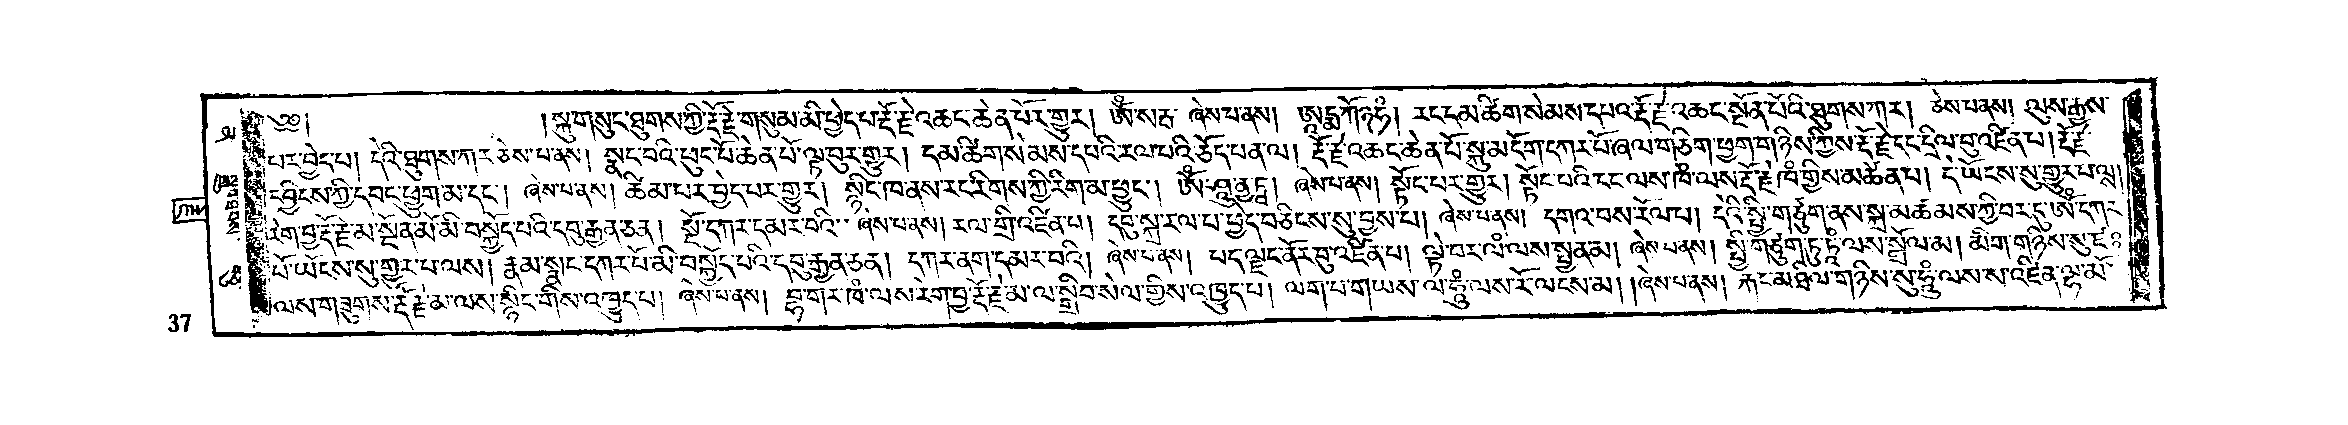༄༅། །སྐུ་གསུང་ཐུགས་ཀྱི་རྡོ་རྗེ་གསུམ་མི་ཕྱེད་པ་རྡོ་རྗེ་འཆང་ཆེན་པོར་གྱུར། ཨོཾ་སརྦ་ཞེས་པ་ནས།  ཨཱདམ་ཀོཉ་ཧཾ། རང་དམ་ཚིག་སེམས་དཔའ་རྡོ་རྗེ་འཆང་སྔོན་པོའི་ཐུགས་ཀར། ཅེས་པ་ནས།  ལུས་རྒྱས་
པར་བྱེད་པ། དེའི་ཐུགས་ཀར་ཅེས་པ་ནས།  སྣང་བའི་ཕུང་པོ་ཆེན་པོ་ལྟ་བུར་གྱུར། དམ་ཚིག་སེམས་དཔའི་རལ་པའི་ཅོད་པན་ལ། རྡོ་རྗེ་འཆང་ཆེན་པོ་སྐུ་མདོག་དཀར་པོ་ཞལ་གཅིག་ཕྱག་གཉིས་ཀྱིས་རྡོ་རྗེ་དང་དྲིལ་བུ་འཛིན་པ། རྡོ་རྗེ་
དབྱིངས་ཀྱི་དབང་ཕྱུག་མ་དང་། ཞེས་པ་ནས།  ཚིམ་པར་བྱེད་པར་གྱུར། སྙིང་ཁ་ནས་རང་རིགས་ཀྱི་རིག་མ་ཕྱུང་། ཨོཾ་ཤཱུ་ནྱ་ཏཱ། ཞེས་པ་ནས།  སྟོང་པར་གྱུར། སྟོང་པའི་ངང་ལས་ཁཾ་ལས་རྡོ་རྗེ་ཁཾ་གྱིས་མཚན་པ། དེ་ཡོངས་སུ་གྱུར་པ་ལས།
རེག་བྱ་རྡོ་རྗེ་མ་སྔོན་མོ་མི་བསྐྱོད་པའི་དབུ་རྒྱན་ཅན། སྔོ་དཀར་དམར་བའི་ཞེས་པ་ནས།  རལ་གྲི་འཛིན་པ། དབུ་སྐྲ་རལ་པ་ཕྱེད་བཅིངས་སུ་བྱས་པ། ཞེས་པ་ནས།  དགའ་བས་རོལ་པ། དེའི་སྤྱི་གཙུག་ནས་སྐྲ་མཚམས་ཀྱི་བར་དུ་ཨོཾ་དཀར་
པོ་ཡོངས་སུ་གྱུར་པ་ལས། རྣམ་སྣང་དཀར་པོ་མི་བསྐྱོད་པའི་དབུ་རྒྱན་ཅན། དཀར་ནག་དམར་བའི། ཞེས་པ་ནས།  པད་ལྗང་ནོར་བུ་འཛིན་པ། ལྟེ་བར་ལཾ་ལས་སྤྱན་མ། ཞེས་པ་ནས།  སྤྱི་གཙུག་ཏུ་ཏཱཾ་ལས་སྒྲོལ་མ། མིག་གཉིས་སུ་ཛཿ
ལས་གཟུགས་རྡོ་རྗེ་མ་ལས་སྙིང་གིས་འཁྱུད་པ། ཞེས་པ་ནས།  བྷ་གར་ཁམས་ལས་རེག་བྱ་རྡོ་རྗེ་མ་ལ་སྒྲིབ་སེལ་གྱིས་འཁྱུད་པ། ལག་པ་གཡས་ལ་ཧཱུཾ་ལས་རོ་ལངས་མ། །ཞེས་པ་ནས།  རྐང་མཐིལ་གཉིས་སུ་ཧཱུཾ་ལས་ས་འཛིན་ལྷ་མོ་